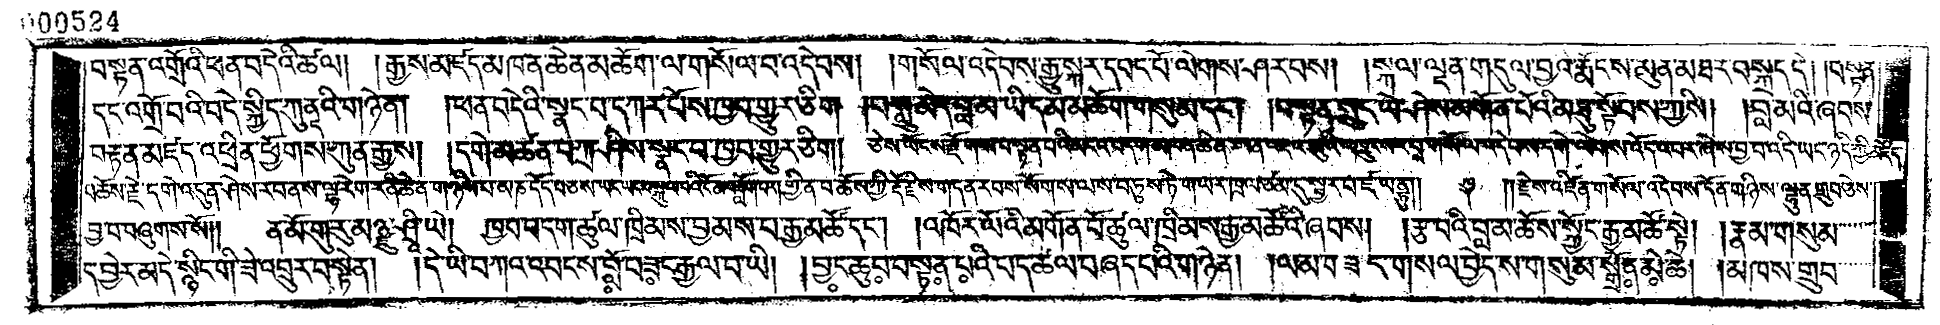བསྟན་འགྲོའི་ཕན་བདེའི་ཚལ། །རྒྱས་མཛད་མཁན་ཆེན་མཆོག་ལ་གསོལ་བ་འདེབས། །གསོལ་འདེབས་རྒྱུ་སྐར་དབང་པོ་ལེགས་ཤར་བས། །སྐལ་ལྡན་གདུལ་བྱའི་རྨོངས་མུན་མཐར་བསྐྲད་དེ། །བསྟན་
དང་འགྲོ་བའི་བདེ་སྐྱིད་ཀུནྡའི་གཉེན། །ཕན་བདེའི་སྣང་བ་དཀར་པོས་ཁྱབ་གྱུར་ཅིག །བསླུ་མེད་བླ་མ་ཡི་དམ་མཆོག་གསུམ་དང་། །བསྟན་སྲུང་ཡེ་ཤེས་མགོན་པོའི་མཐུ་སྟོབས་ཀྱིས། །བླ་མའི་ཞབས་
བརྟན་མཛད་འཕྲིན་ཕྱོགས་ཀུན་རྒྱས། །དགེ་མཚན་བཀྲས་ཤིས་སྣང་བ་ཁྱབ་གྱུར་ཅིག །ཅེས་ཡོངས་རྫོགས་བསྟན་པའི་མངའ་བདག་མཁན་ཆེན་ཨན་འཇའ་སུའི་འཁྲུངས་རབས་གསོལ་འདེབས་དགེ་ལེགས་འོད་འབར་ཞེས་བྱ་བ་འདི་ཡང་ཉིད་ཀྱི་མཛོད་
པ་ཆོས་རྗེ་དགེ་འདུན་ཤེས་རབ་ནས་ལྷ་རེག་རིན་ཆེན་གཉིས་པ་མཎ་དོད་བཅས་ཡང་ཡང་བསྐུལ་བའི་ངོ་མ་བཟློག་པར། གྱི་ན་པ་ཆོས་ཀྱི་རྡོ་རྗེས་གདན་རབས་སོགས་ལས་བཏུས་ཏེ་གཡར་ཁྲལ་ཙམ་དུ་སྦྱར་བ་ཛ་ཡནྟུ།། ༈ །།རྗེས་འཛིན་གསོལ་འདེབས་དོན་གཉིས་ལྷུན་གྲུབ་ཅེས་
བྱ་བ་བཞུགས་སོ། །ན་མོ་གུ་རུ་མཉྫུ་ཤྲཱི་ཡེ། ཁྱབ་བདག་ཚུལ་ཁྲིམས་བྱམས་པ་རྒྱ་མཚོ་དང་། །འཁོར་ལོའི་མགོན་པོ་ཚུལ་ཁྲིམས་རྒྱ་མཚོའི་ཞབས། །རྩ་བའི་བླ་མ་ཆོས་སྐྱོང་རྒྱ་མཚོ་སྟེ། །རྣམ་གསུམ་
དབྱེར་མེད་སྙིང་གི་ཟེ་འབྲུར་བསྟེན། །དེ་ཡི་བཀའ་འབངས་བློ྾་བཟང྾་རྒྱལ་བ་ཡི། །བྱང྾་ཆུབ྾་བསྟན྾་པའི྾་པད་ཚལ་བཞད་པའི་གཉེན། །ལམ་བཟང་གསལ་བྱེད་ས་གསུམ་སྒྲོན྾་མེ྾་ཆེ། །མཁས་གྲུབ་